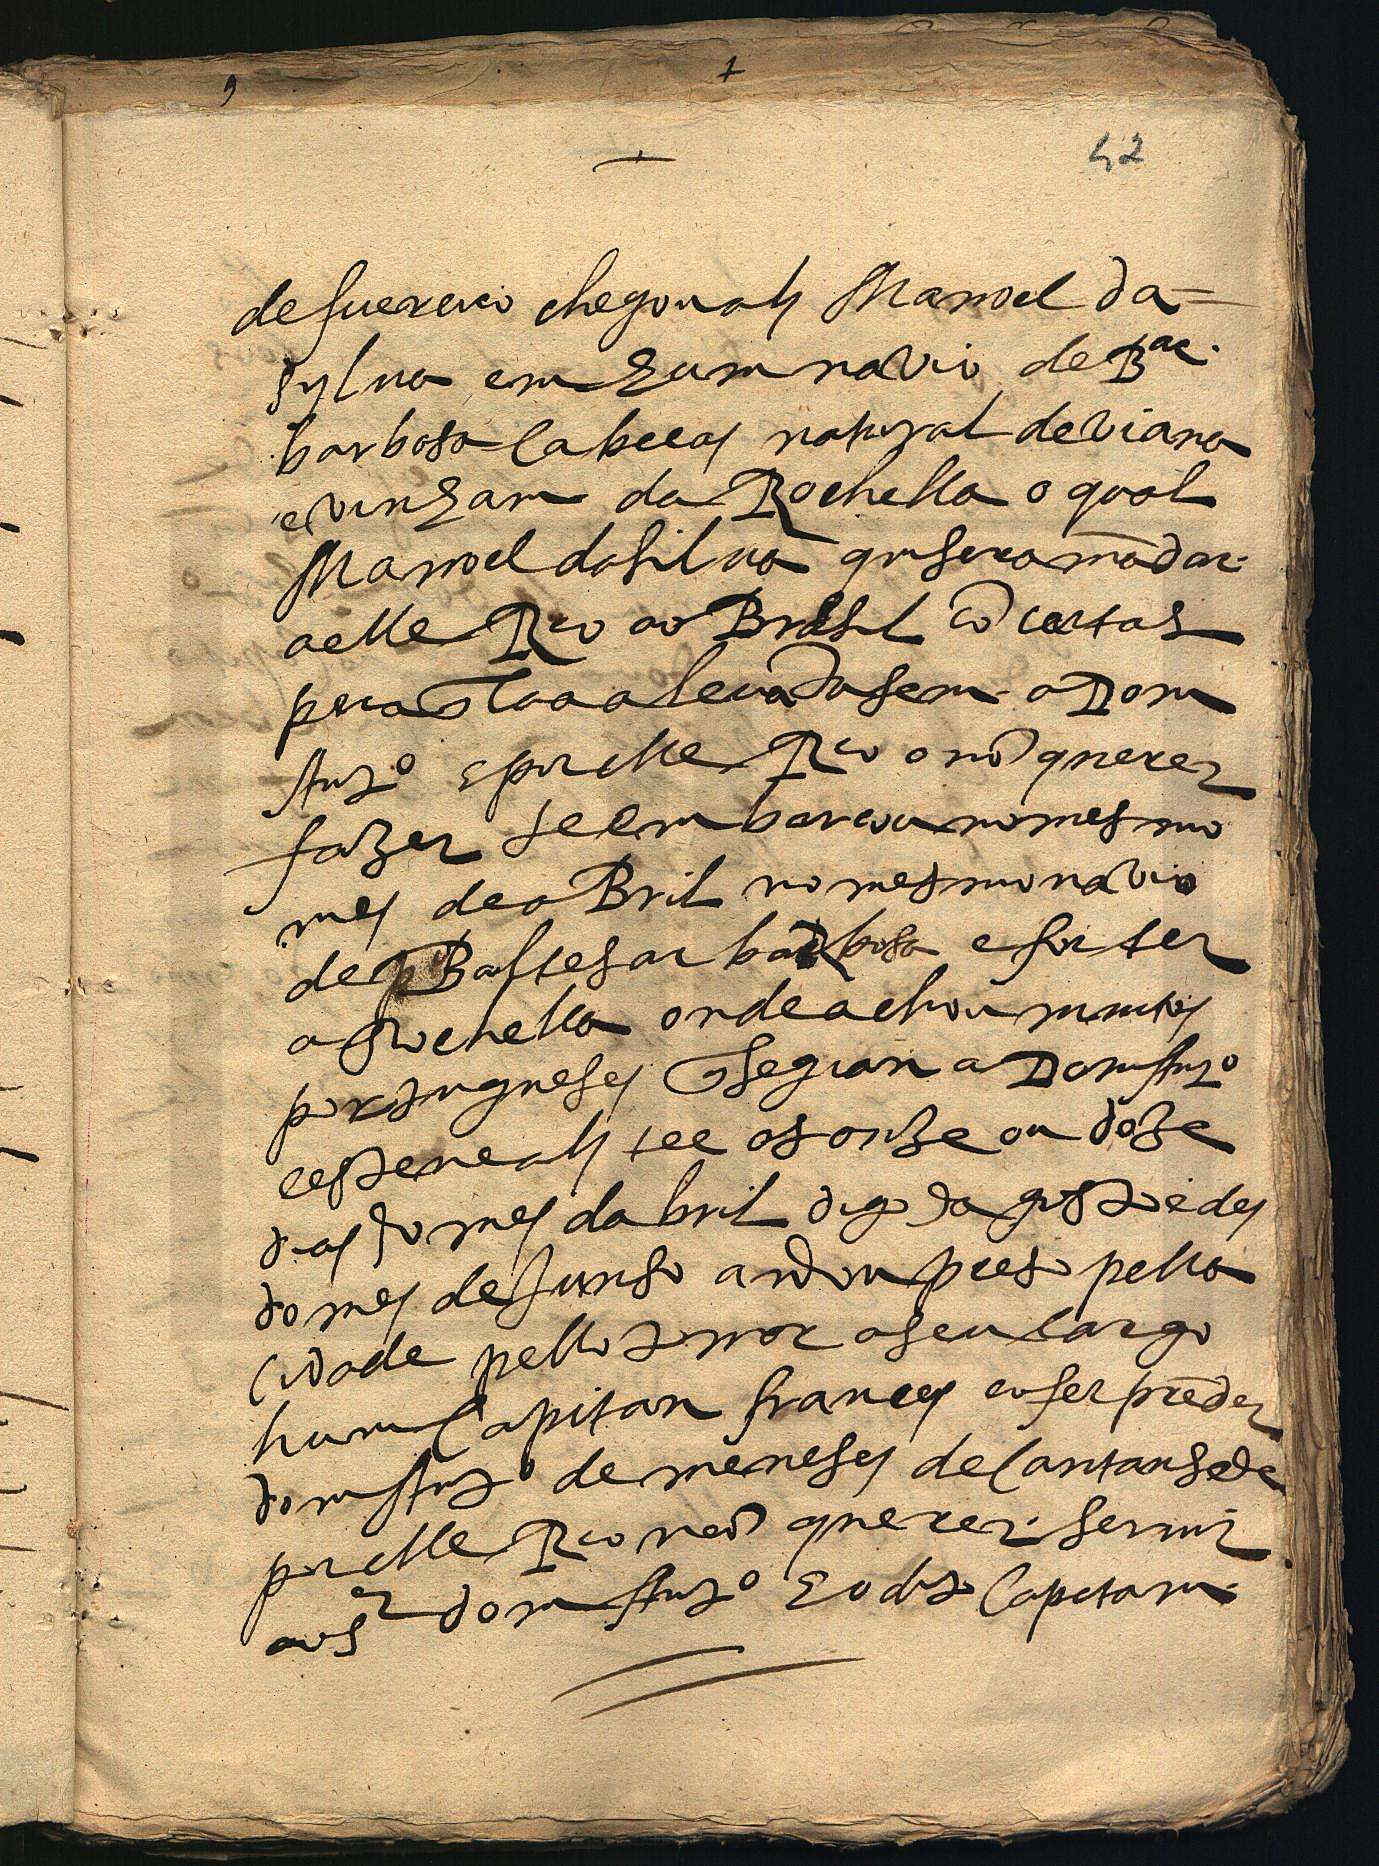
de fuereiro chegou alj Manoel da
sylua em hum navio de Bar
barbosa Cabeças naturaL de viana
e vinham da Rochella o qual
Manoel da Silua quisera mādar
a elle Reo ao BrasiL cō cartas
pera q̄ laa aleuātasem a Dom
Anto E por elle Reo o nō querer
fazer se embarcou no mesmo
mes de aBriL no mesmo navio
de Baltesar barbosa e foi ter
a Rochella onde achou muitos
portugueses q̄ segiam a Dom Anto
e esteue alj tee os onze ou doze
dias do mes dabriL digo dagosto des
do mes de Junho andou preso pella
Cidade pello tomar a seu cargo
hum Capitam frances e o fez prēder
dom Anto de meneses de Cantanhede
por elle Reo naõ querer seruir
ao sor dom Anto E o dito Capitam
